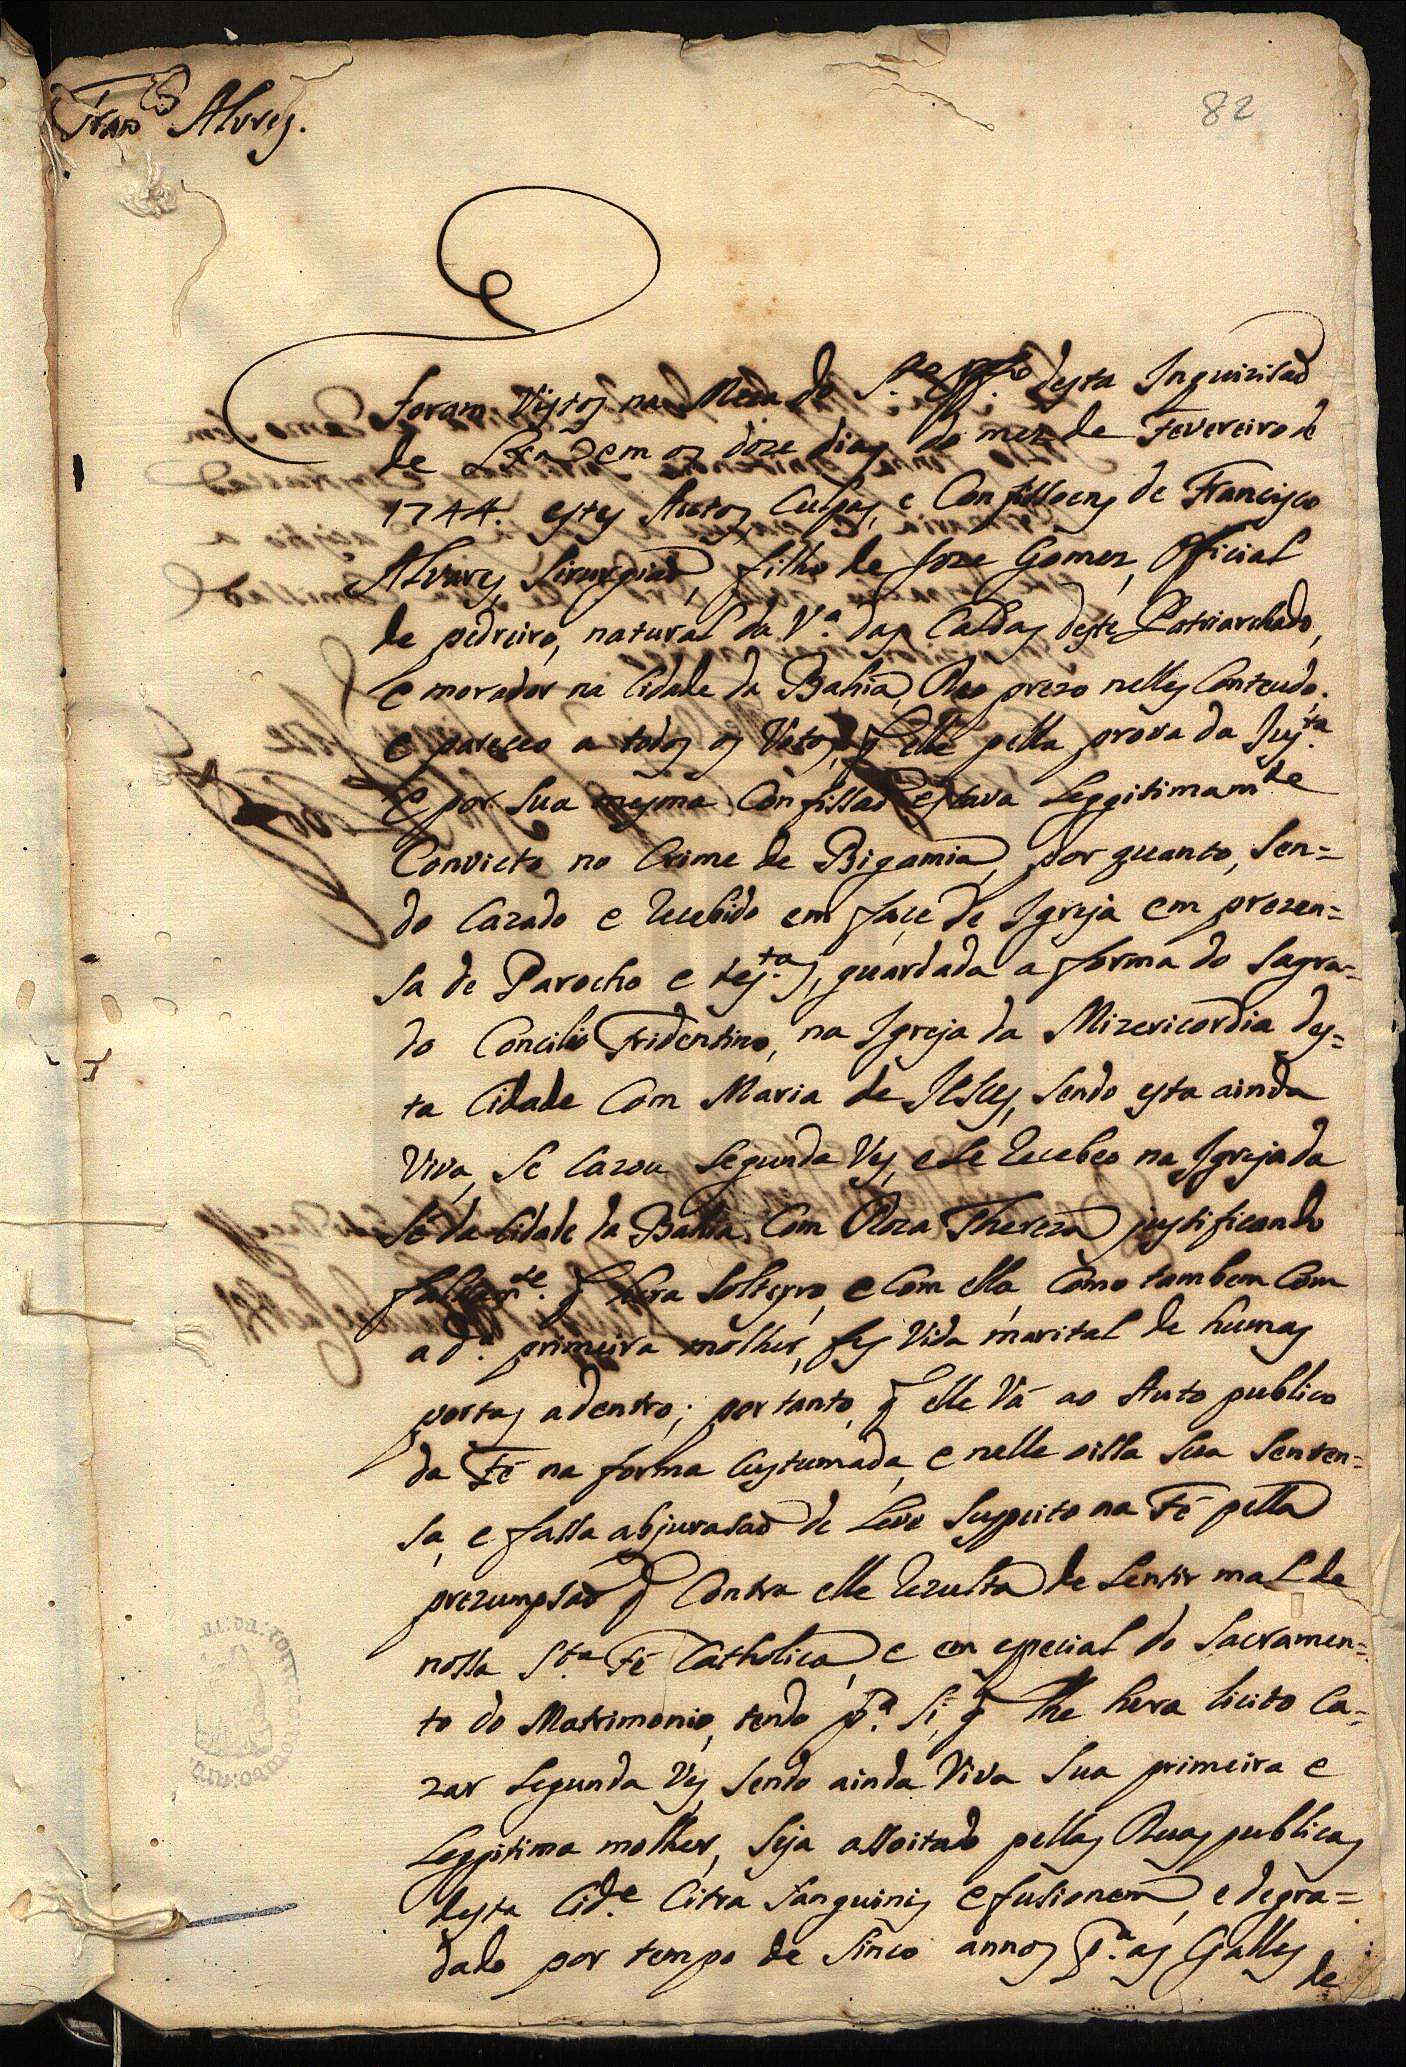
foram Vistos na Meza do S.to Off.o desta Inquizisaõ
de Lxa em os doze dias do mez de Fevereiro de
1744. estes Autos, Culpas e Confissoens de Francisco
Alvares, Sirurgiaõ, filho de Joze Gomez, Official
de pedreiro, natural da V.a das Caldas deste Patriarchado,
e morador na Cidade da Bahia, Reo prezo nelles Conteudo;
e pareceo a todos os Votos, q̄ elle pella prova de Jus.ta
e por sua mesma Confissaõ estava Leggitimamte
Convicto no Crime de Bigamia, por quanto, sen
do Cazado e Recebido em façe de Igreja em prezen
sa de Parocho e tes.tas, guardada a forma do sagra
do Concilio Tridentino, na Igreja da Mizericordia des
ta Cidade Com Maria de Iesus, sendo esta ainda
Viva, se cazou segunda Ves, e se Recebeo na Jgreja da
Sé da Cidade da Bahia, Com Roza Thereza justificando
falsam.te q̄ hera solteyro, e com ella, como tambem com
a d.a primeira molher, fes Vida marital de humas
portas adentro; portanto, q̄ elle Vá ao Auto publico
da Fé na forma Custumada, e nelle oissa sua senten
sa, e fassa abjurasaõ de Leve suspeito na Fé pella
prezumpsaõ q̄ Contra elle Rezulta de sentir mal de
nossa S.ta Fé Catholica, e em especial do Sacramen
to do Matrimonio, tendo p.a si, q̄ lhe hera licito ca
zar segunda Ves sendo ainda Viva sua primeira e
Leggitima molher, seja assoitado pellas Ruas publicas
desta Cid.e Citra sanguinis efusionem, e degra
dado por tempo de sinco annos p.a as Galles
de
